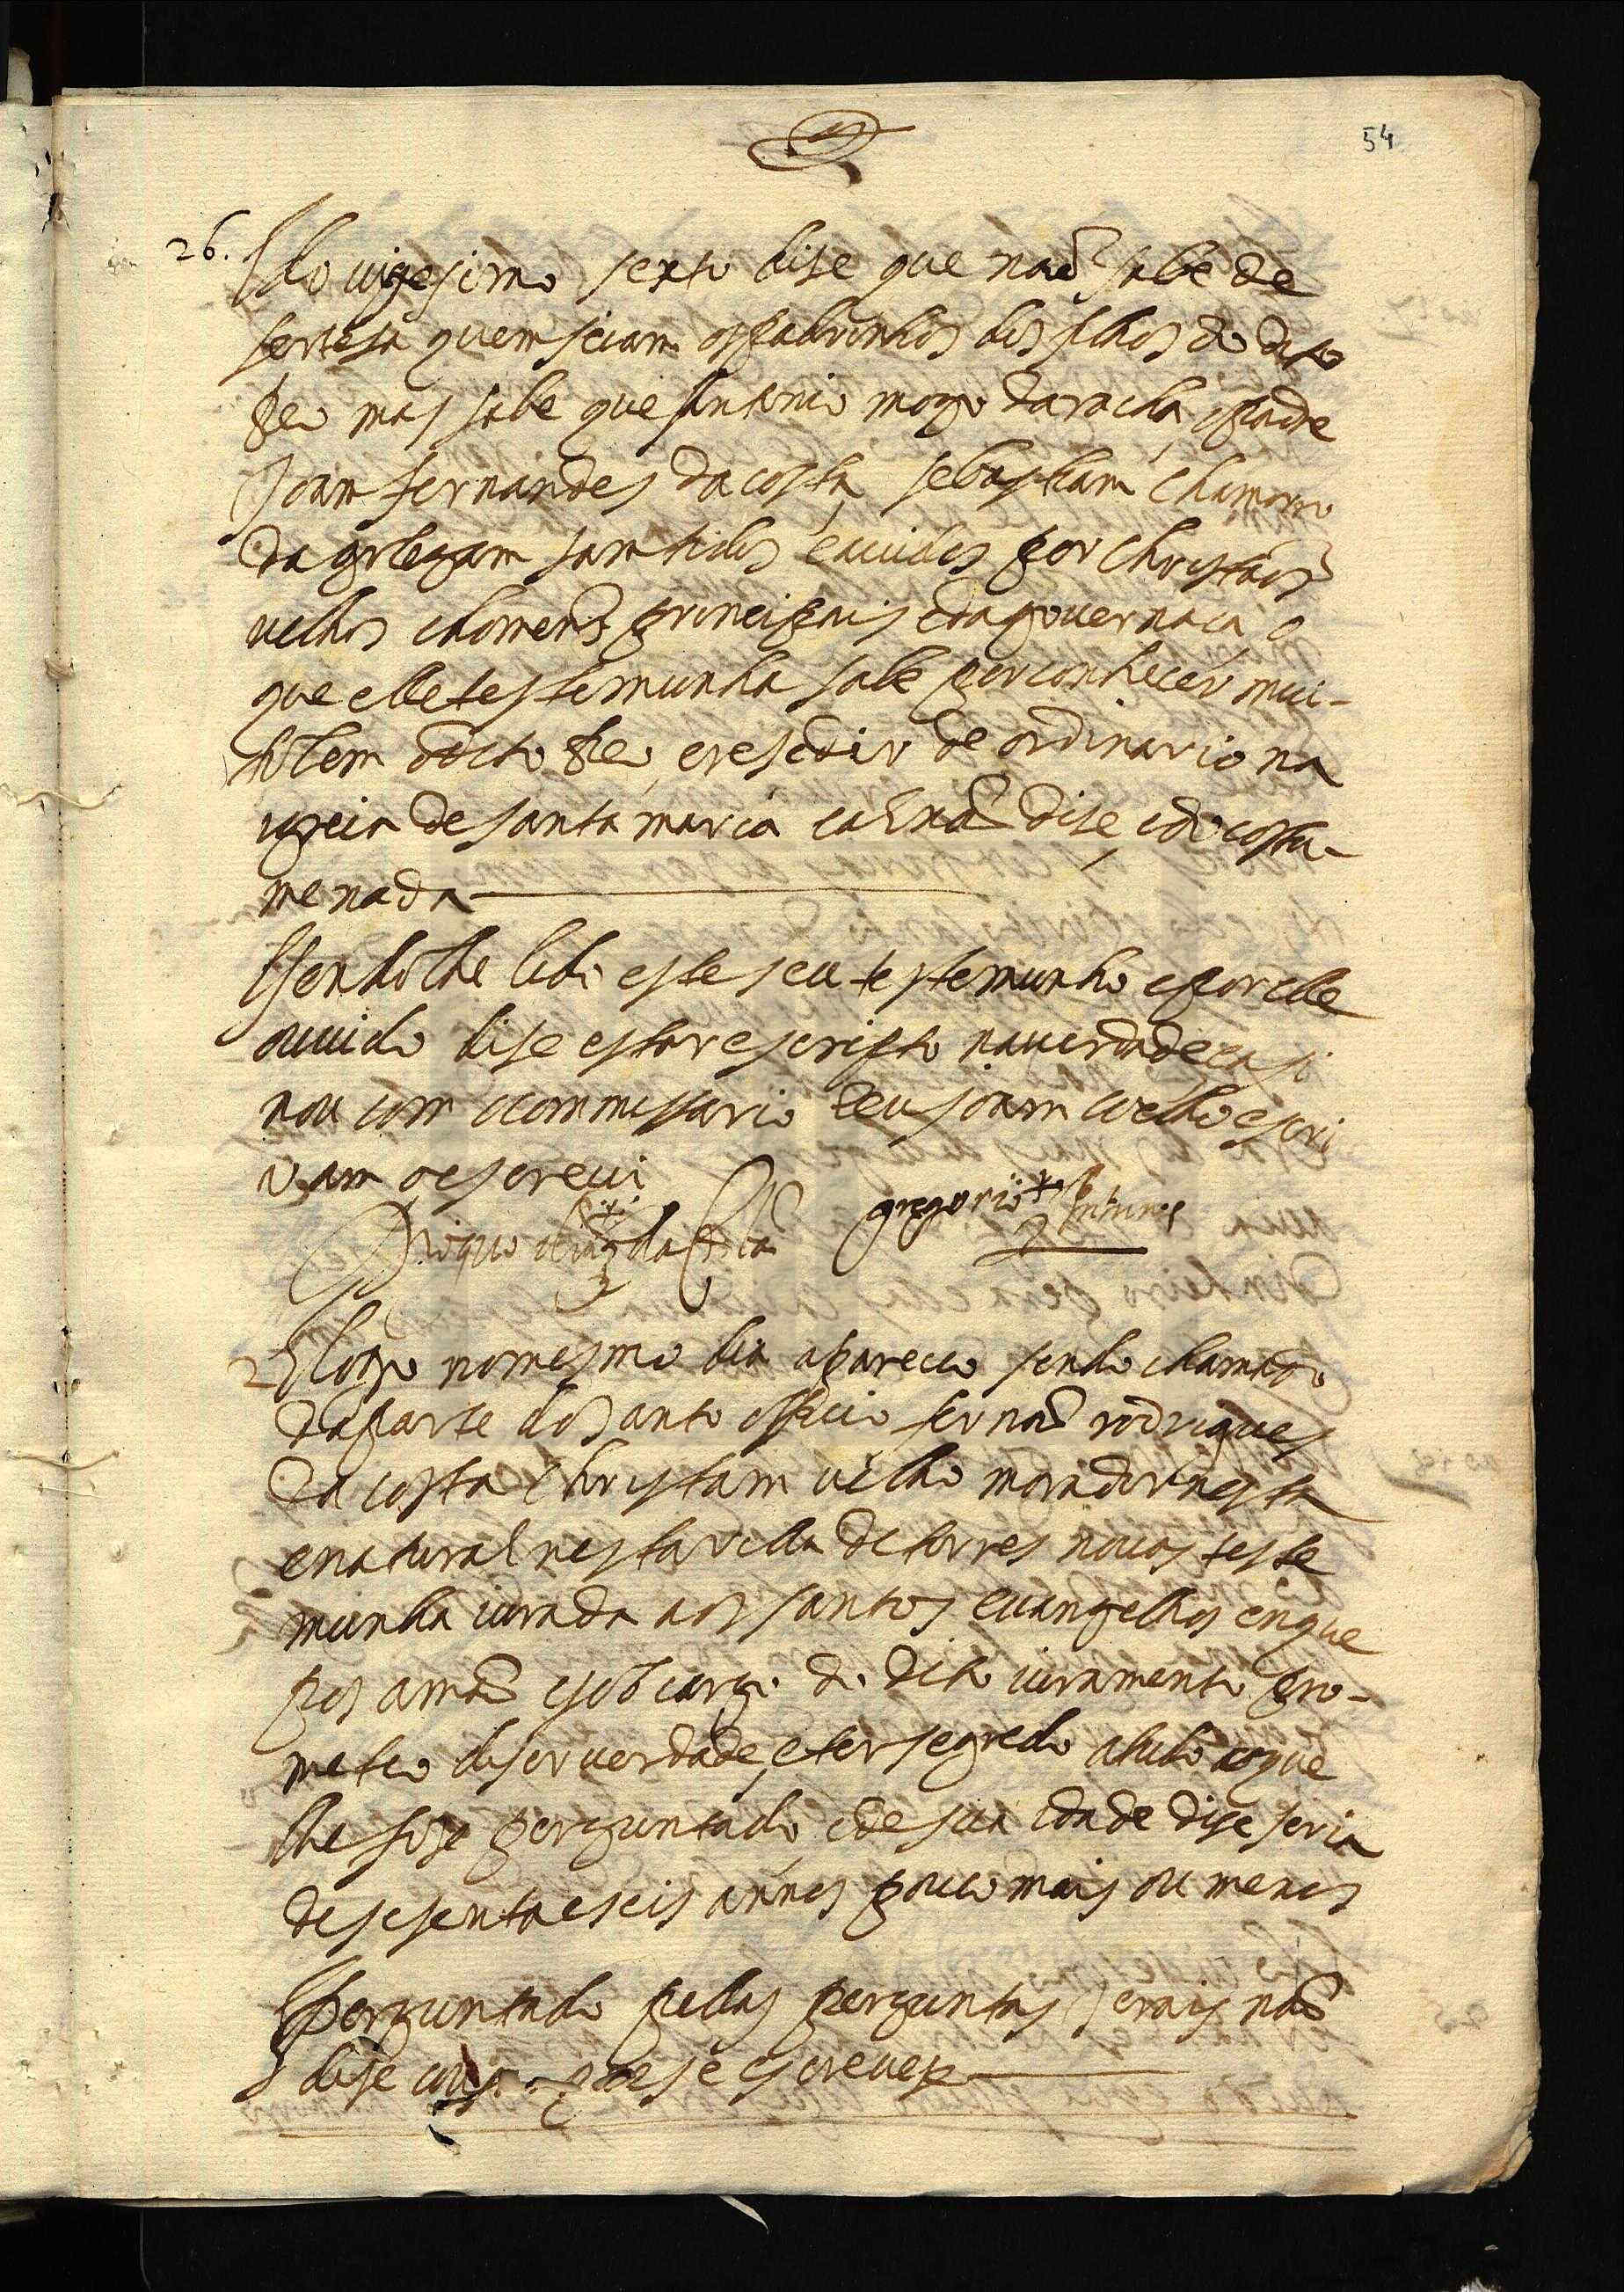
26.
E do uigesimo sexto dise que naõ sabe de
serteza quem seiam os padrinhos dos filhos do dito
Reo mas sabe que Antonio mogo da rocha, o padre
Joam fernandes da costa, sebastiam chamorro
da golegam sam tidos e auidos por christaõs
uelhos e homens principais e da gouernaça, o
que elle testemunha sabe por conhecer mui
to bem o dito Reo, e resedir de ordinario na
igreia de santa maria e al nā dise, e do costu
me nada
E sendolhe lido este seu testemunho e por elle
ouuido dise estar escripto na uerdade, e asi
nou com o commissario e eu joam coelho escri
vam o escreui
E logo no mesmo dia apareceo sendo chamado
da parte do santo officio fernaõ rodrigues
da costa christam uelho morador nesta
e natural nesta villa de torres nouas teste
munha iurada aos santos euangelhos en que
pos a maõ e sob cargo do dito iuramento pro
meteo diser uerdade, e ter segredo a tudo ao que
lhe fose perguntado, e de sua idade dise seria
de sesenta e seis annos pouco mais ou menos
E perguntado pellas perguntas jerais naõ
dise cous q_e se escreuese
